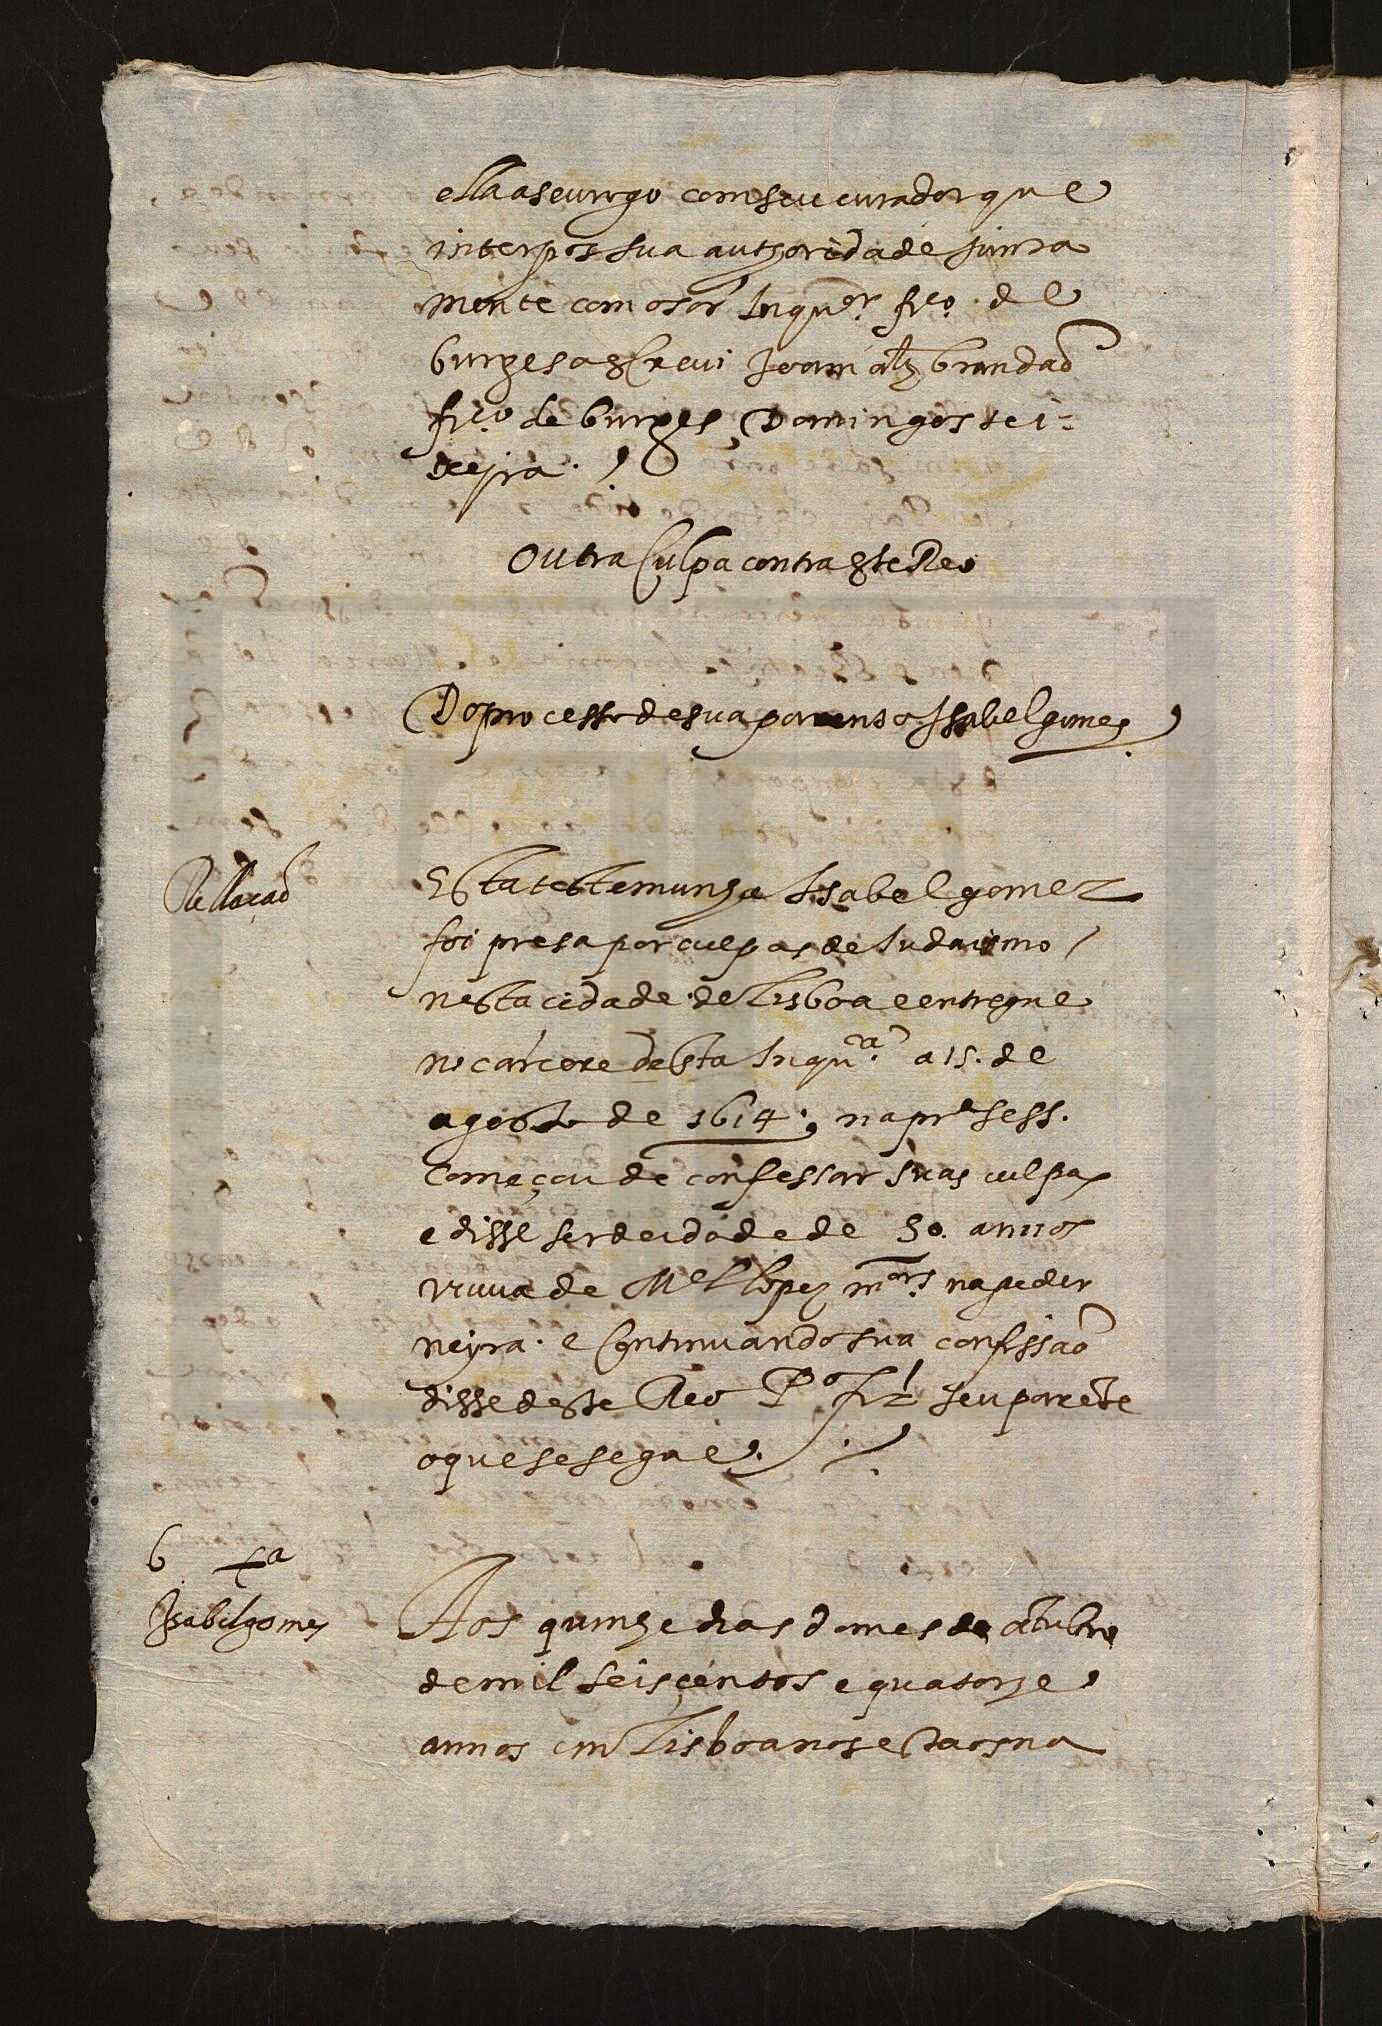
Rellaçaõ
6 ta
Jsabel gomes
ella a seu rogo com seu curador que
interpos sua authoridade junta
mente com o sor̄ Inquor. frco de
burges o esCreui Joam al̄z brandaõ
frco de burges Domingos tei
xejra.
Outra Culpa contra este Reo
Do processo de sua parenta Jsabel gomes.
Esta testemunha Isabel gomez
foi presa por culpas de Iudaismo /
nesta cidade de Lisboa e entregue
no carcere desta Inquçā. a 15. de
agosto de 1614; na pra sess.
começou de confessar suas culpas
e disse ser de idade de 50 annos
viuua de Mel lopez m̄ores na peder
neyra. e Continuando sua confissaõ
disse deste Reo Po Frz̄ seu parēte
o que se segue.
Aos quinze dias do mes de octubro
de mil seiscentos e quatorze
annos em Lisboa nos estaos na
